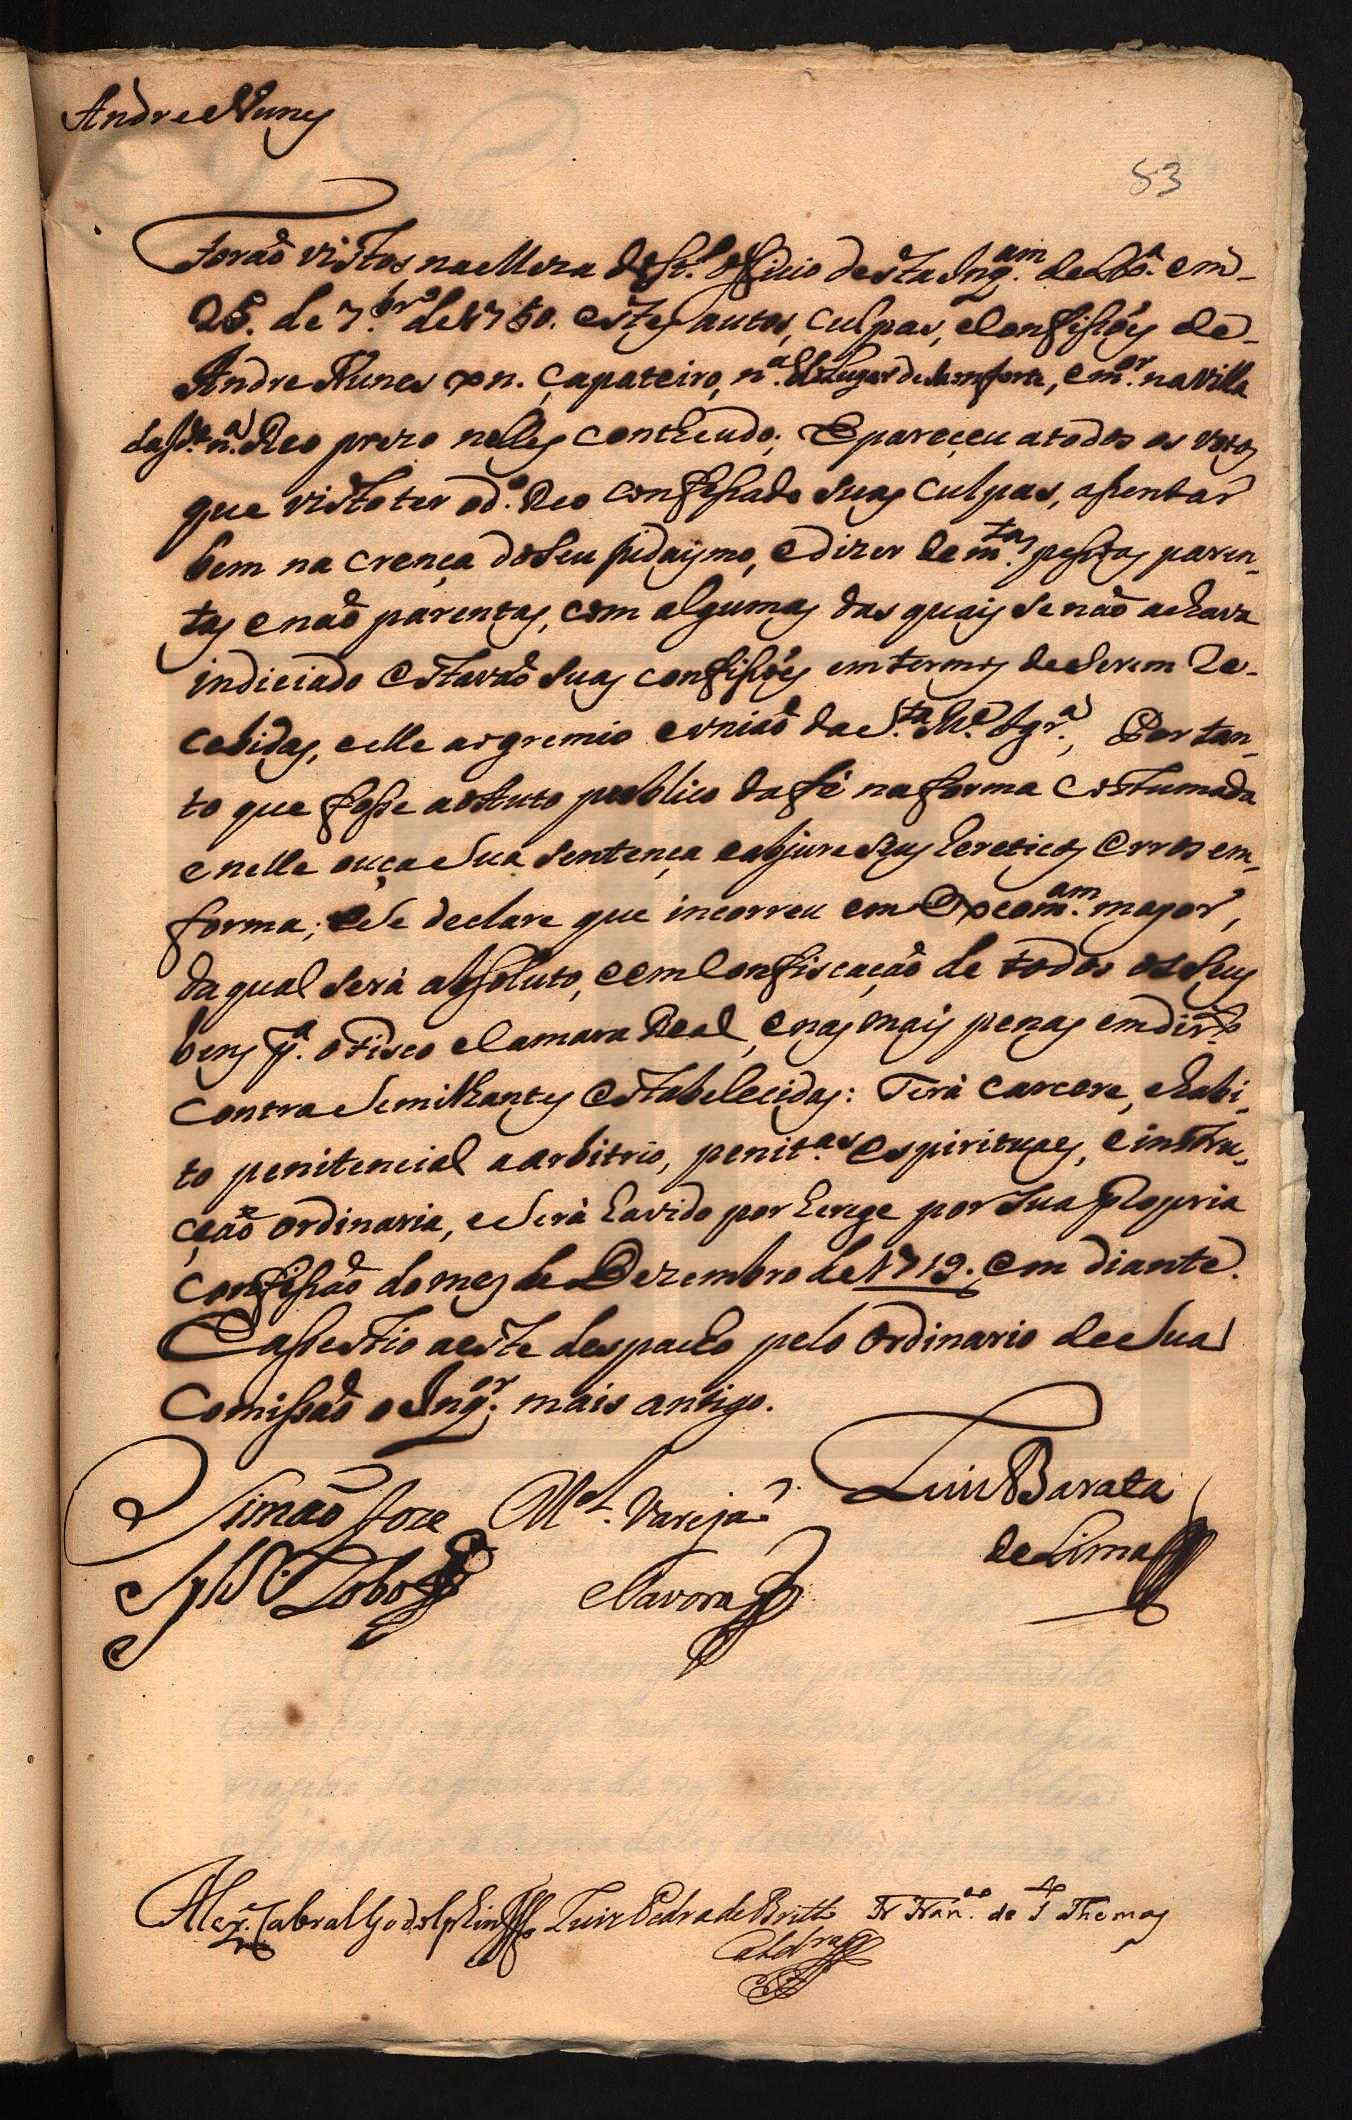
Andre Nunes
Foraõ vistas na Meza do st.o officio desta Inq.am de Lx.a em
25. de 7.bro de 1750 estes autos, culpas e Confissões de
Andre Nunes xn. çapateiro, n.al do Lugar de Monforte, e m.or na villa
da J.da n.a Reo prezo nelles contheudo; E pareçeu a todos os votos
que visto ter o d.o Reo confessado suas culpas, asentar
bem na crença do Seu Judaismo, e dizer de m.tas pessoas paren
tas e naõ parentas, com algumas das quais se naõ achava
indiciado estavaõ suas confissões em termos de Serem Re
cebidas, e elle ao gremio e vniaõ da S.ta M.e Igr.a, Portan
to que fosse ao Auto publico da fé na forma costumada
e nelle ouça Sua sentença e abjure seus hereticos erros em
forma; e se declare que incorreu em Excom.am mayor,
da qual será absoluto, e em Confiscaçaõ de todos os Seus
bens p.a o Fisco e Camara Real, e nas mais penas em dir.to
contra Semilhantes estabelecidas: Terá carcere, e habi
to penitencial a arbitrio, penit.as espirituaes, e instru
cçaõ ordinaria, e Será havido por herege por sua propria
confissaõ do mes de Dezembro de 1719. em diante.
E assestio a este despacho pelo ordinario de Sua
Comissaõ o Inq.or mais antigo.
Luiz Barata
Simaõ Joze M.el Varejaõ
de Lima
Sylv. Lobo e Tavora
Alex. Cabral Godolphin
Luiz Pedra de Britto Fr Fran.co de sto thomas
Cald.ra
